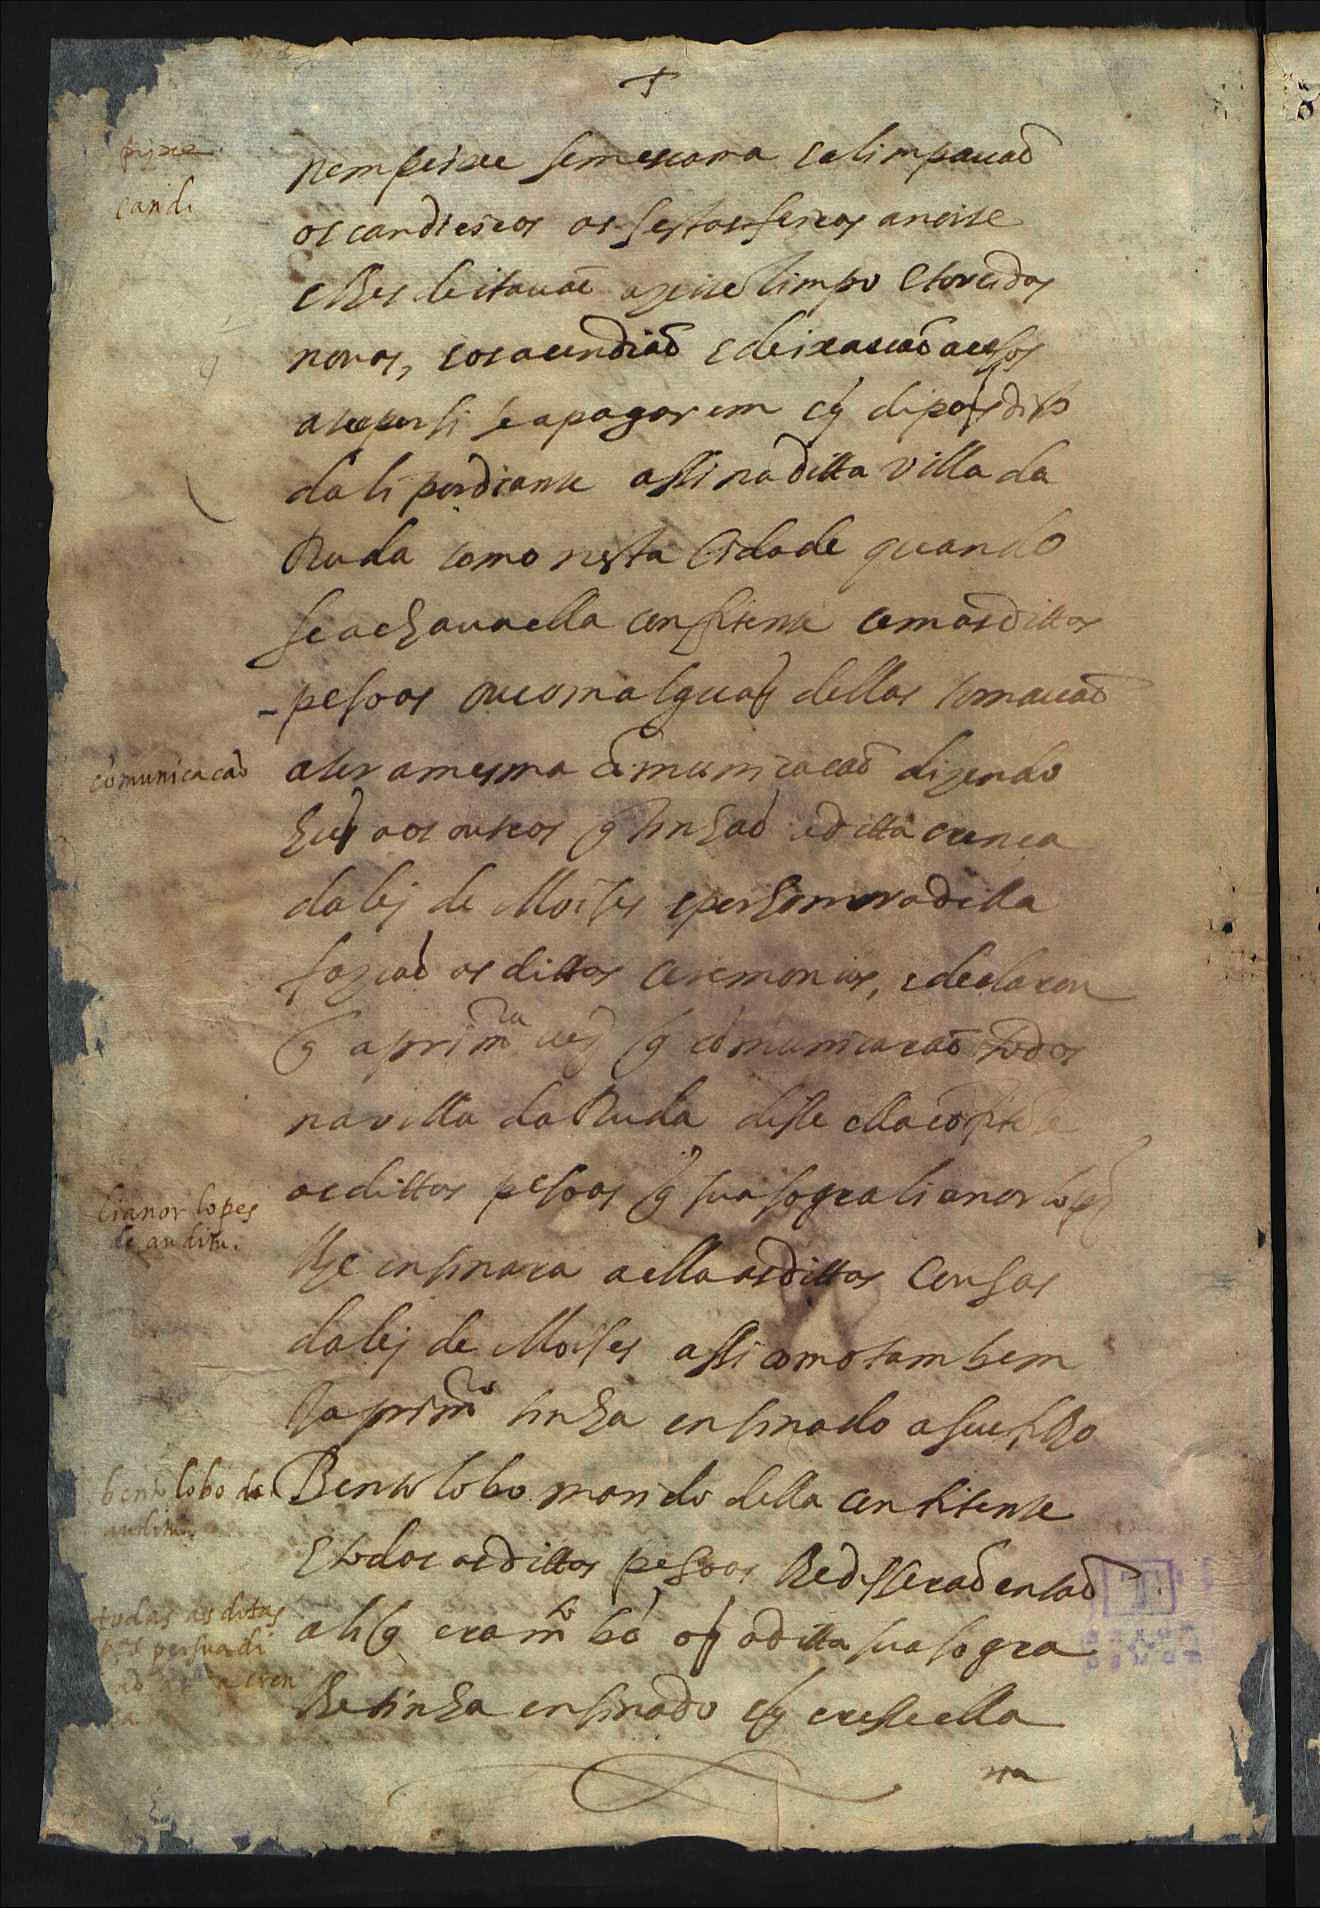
nem peixe sem escama E alimpauaõ
os candieiros as sestas feiras a noite
E lhes deitauaõ azeite limpo E torcidas
nouas, E os acendiaõ E deixauaõ acesos
atee per si se apagarem E q̄ dipois disso
dali por diante assi na ditta villa da
Ruda como nesta Cidade quando
se achaua ella confitente com as dittas
pesoas ou com alguas dellas tornauaõ
a ter a mesma cōmunicaçaõ dizendo
hus aos outros q̄ tinhaõ a ditta crença
da lej de Moises e per homrra della
faziaõ as dittas ceremonias E declarou
q̄ a primra uez q̄ cōmunicaraõ todos
na villa da Ruda disse ella cōfitēte
as dittas pesoas q̄ sua sogra lianor lopez̄
lhe ensinara a ella as dittas cousas
da lej de Moises assi como tambem
Ja primro tinha ensinado a seu filho
Bento lobo marido della confitente
E todas as dittas pesoas lhe disseraõ entaõ
ali q̄ era mto bō o q̄ a ditta sua sogra
lhe tinha ensinado e q̄ cresse ella
